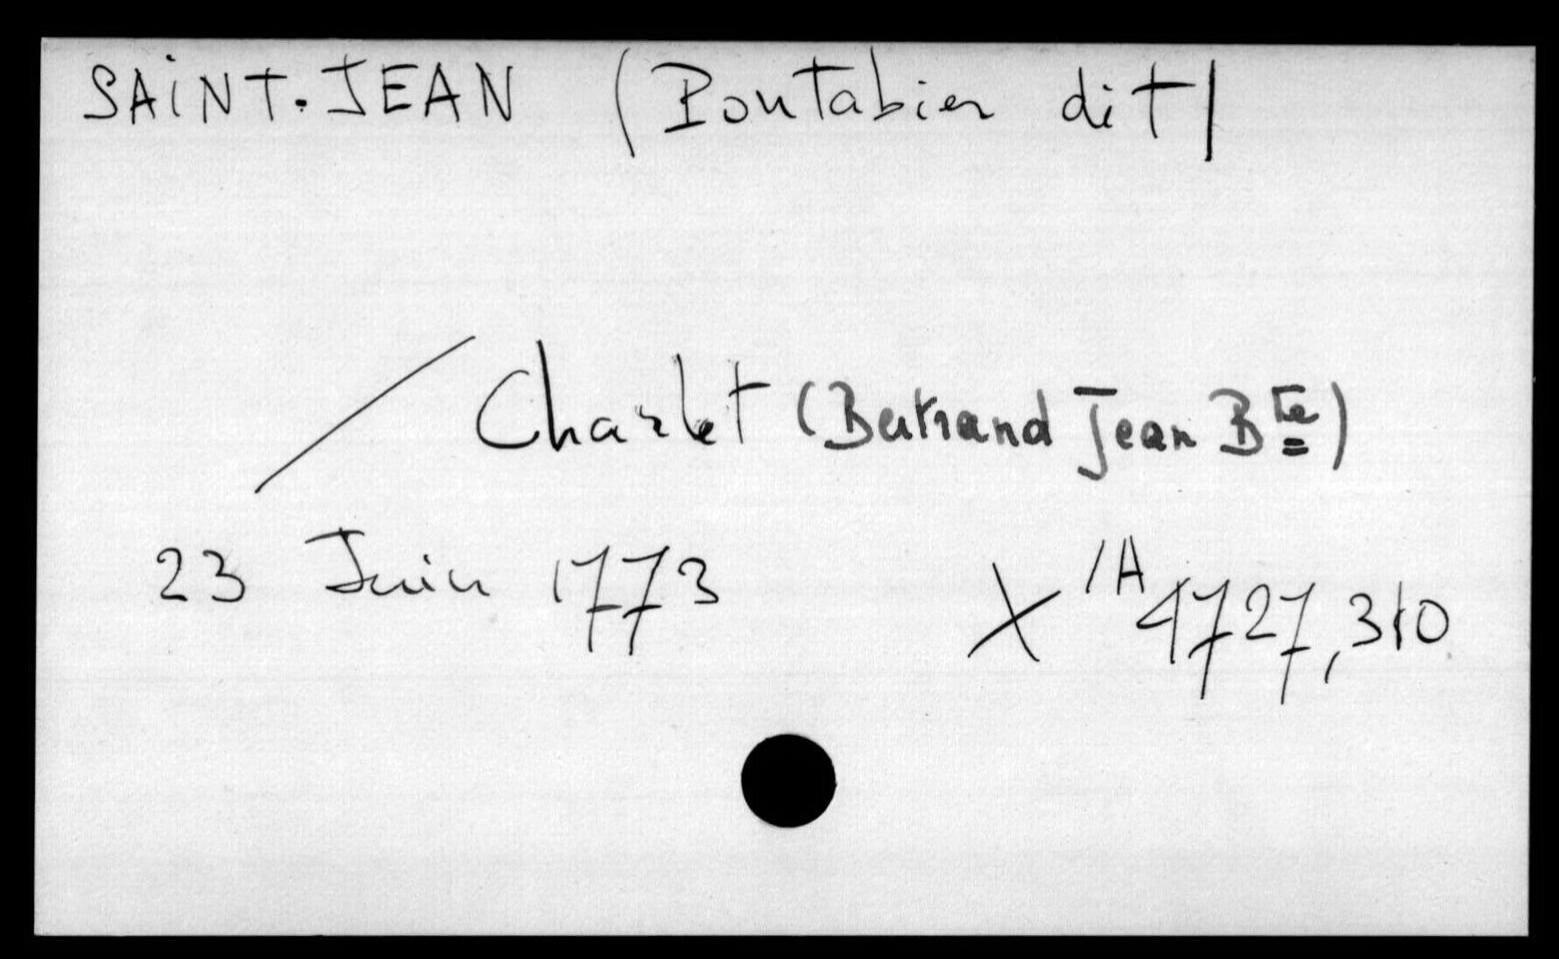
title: SAINT-JEAN (Pontabier dit)
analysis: Contre Charlet (Bertrand Jean Baptiste)
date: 23 juin 1773
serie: X1A
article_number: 4727
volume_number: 310
